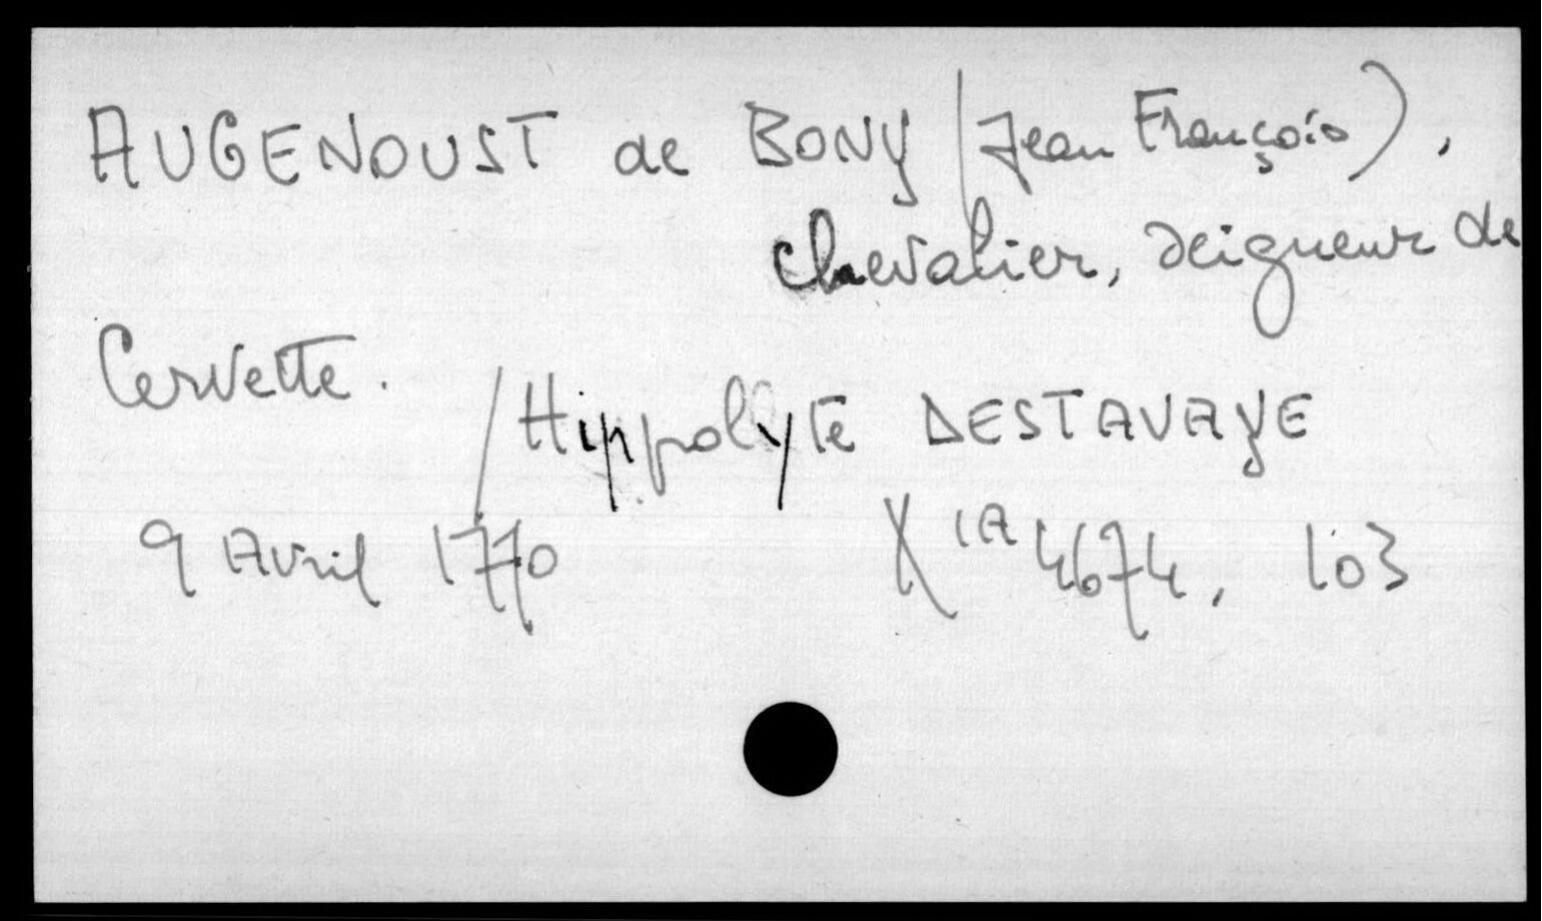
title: AUGENOUST de BONY (Jean François), chevalier, seigneur de Cervette
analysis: Contre Hippolyte DESTAVAYE
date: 9 avril 1770
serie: X1A
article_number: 4674
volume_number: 103
